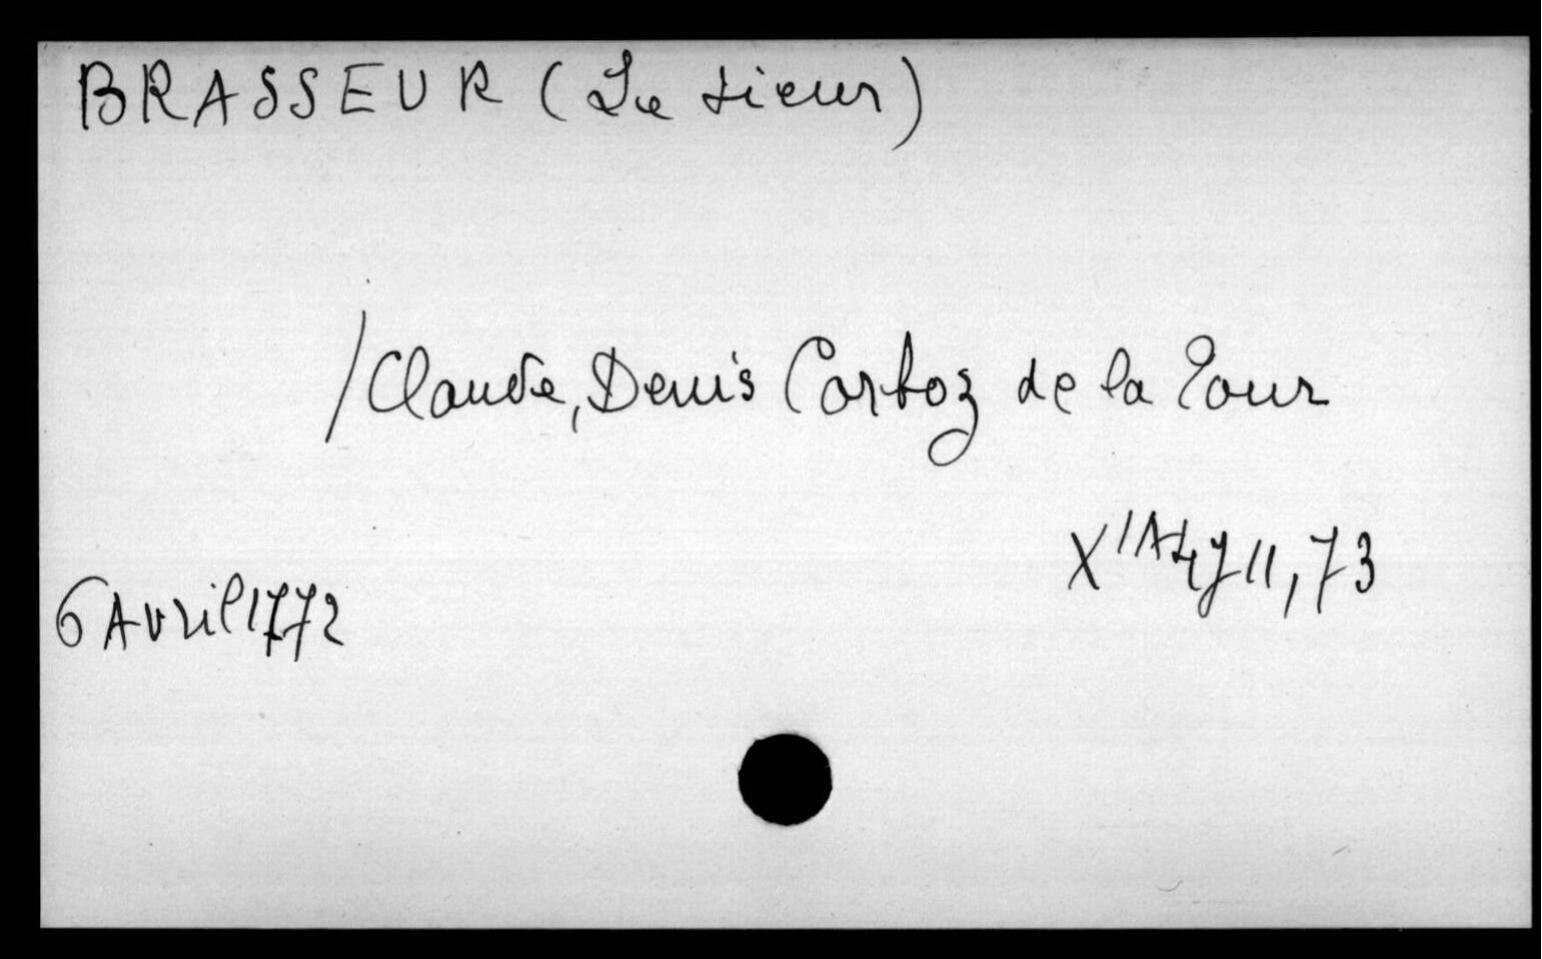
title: BRASSEUR (Le sieur)
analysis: Contre Clauve, Denis Corloz de la Tour
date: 6 avril 1772
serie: X1A
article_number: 4711
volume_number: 73
